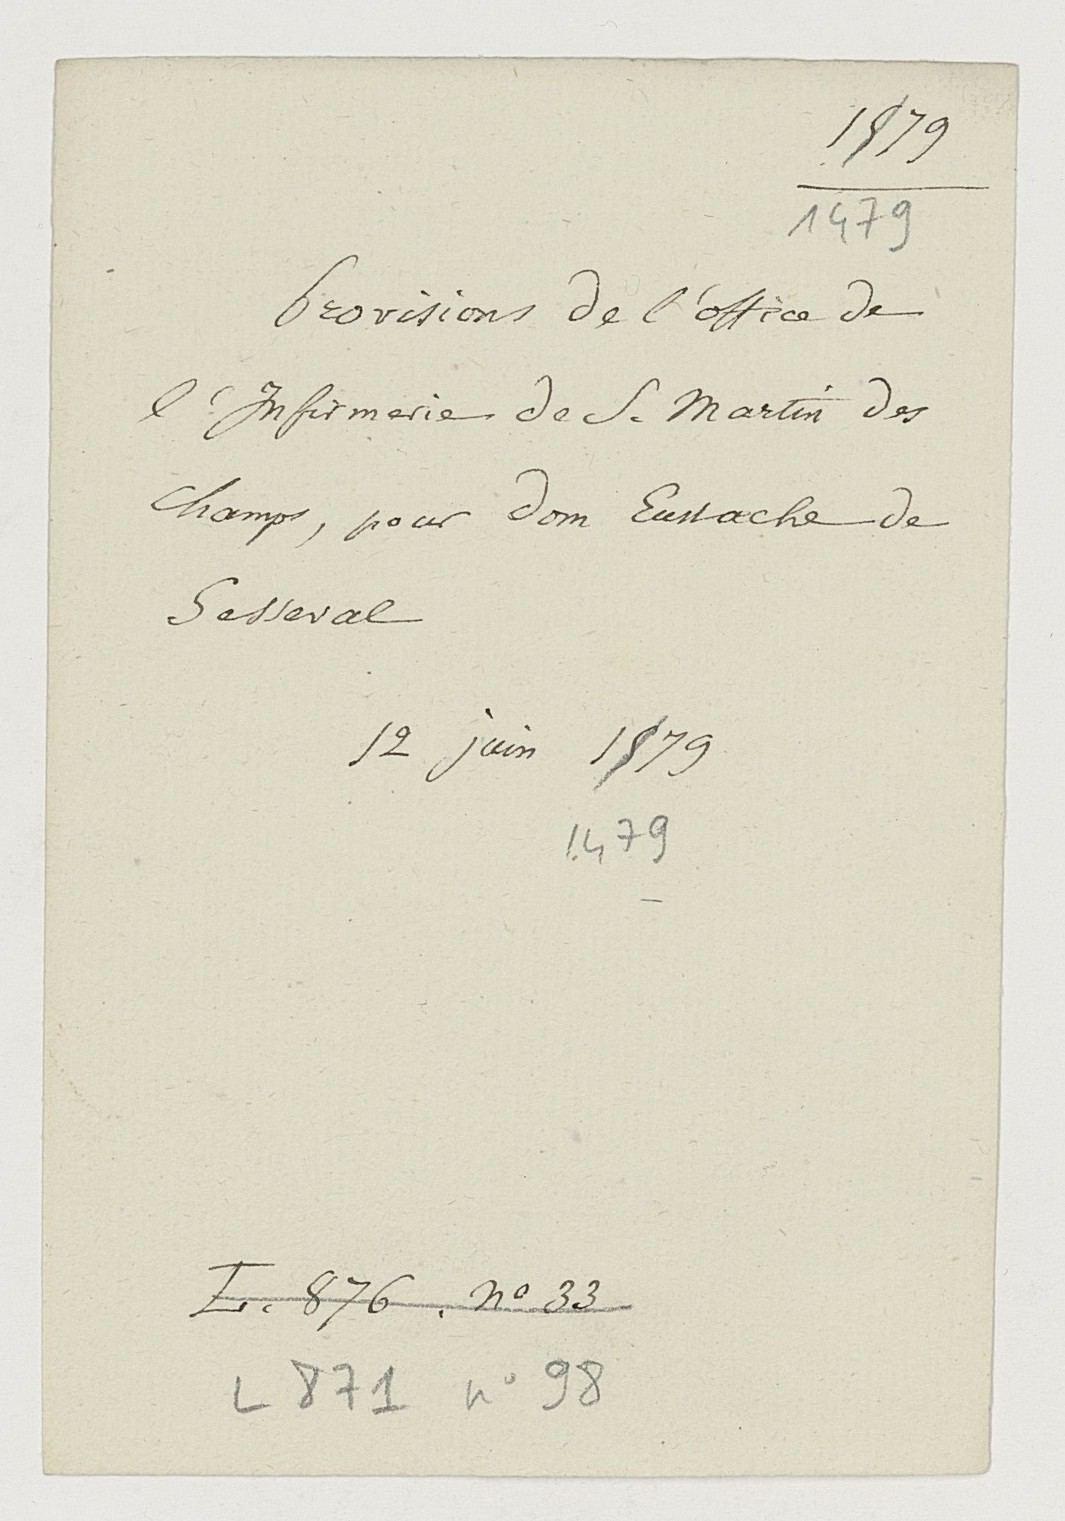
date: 1479
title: Provisions de l'office de l'Infirmerie de Saint-Martin des CHamps, pour dom Eustache de Sesseval
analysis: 12 juin 1479
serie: L
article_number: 871
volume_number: n° 98
